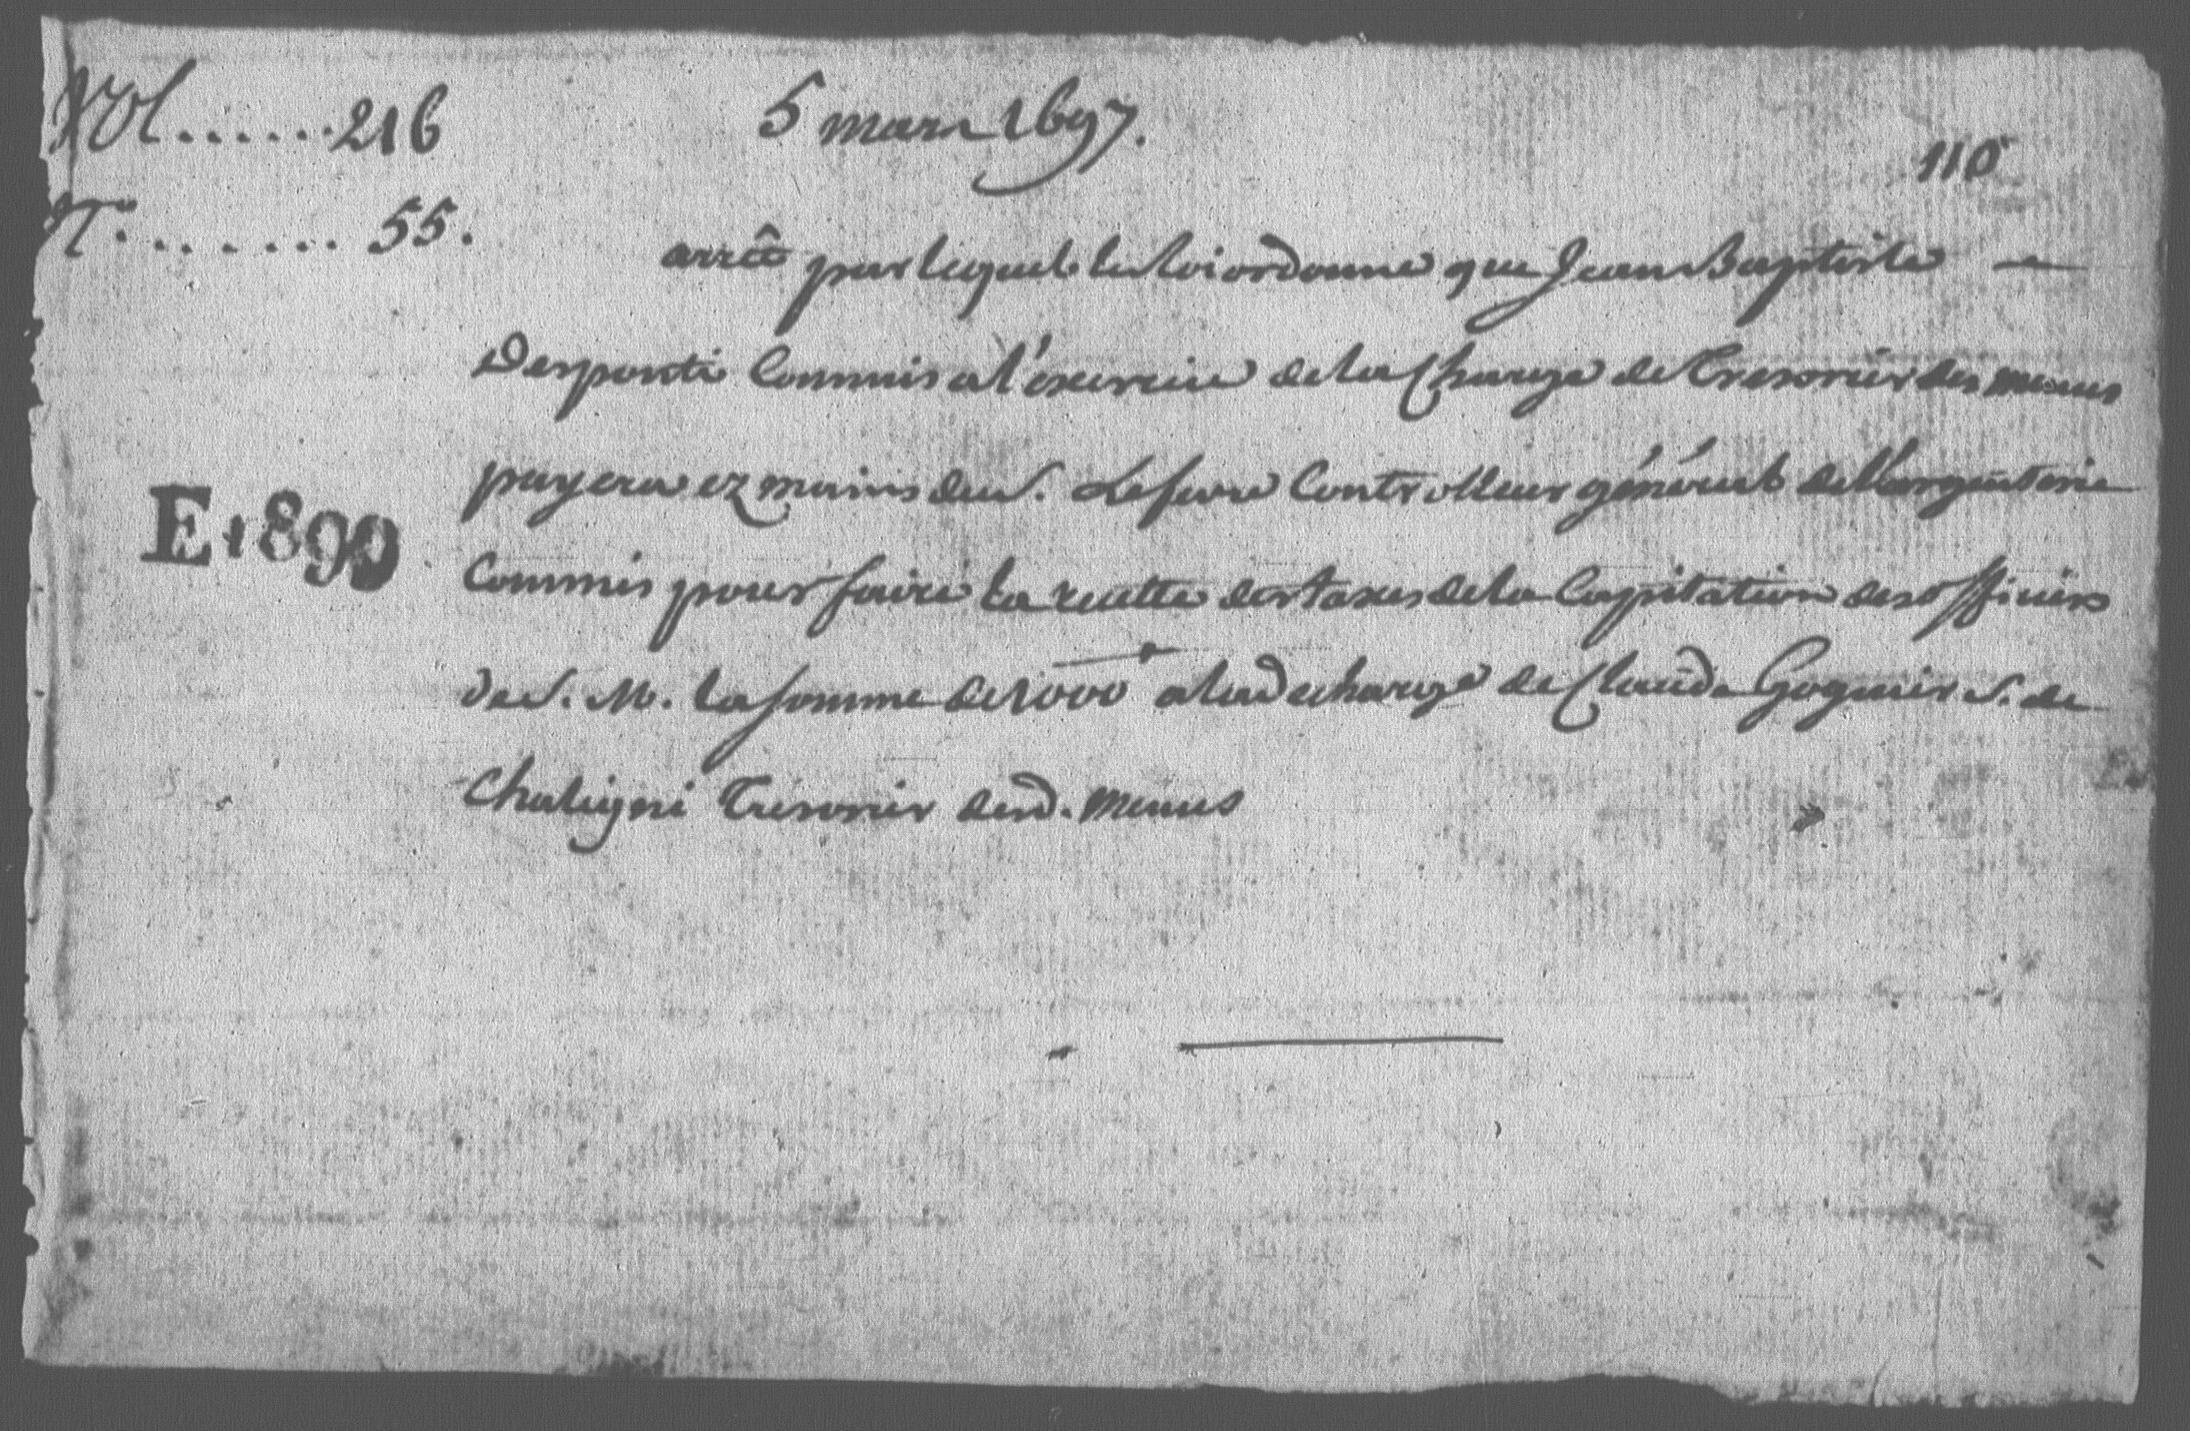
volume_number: n° 55
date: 5 mars 1697
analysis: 116
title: arrêt par lequel le Roi ordonne que Jean Baptiste Desponti commis a l'exercice de la Charge de tresorier des menus payera ez mains du S. Lefevre controlleur général de l'argenterie commis pour faire la recette des taxes de la capitation des officiers de Sa Majesté la somme de 1000 # a la decharge de Claude Gognier S. de Chaligni trésorier desd. menus
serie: E
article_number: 1899
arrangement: Vol. 216
